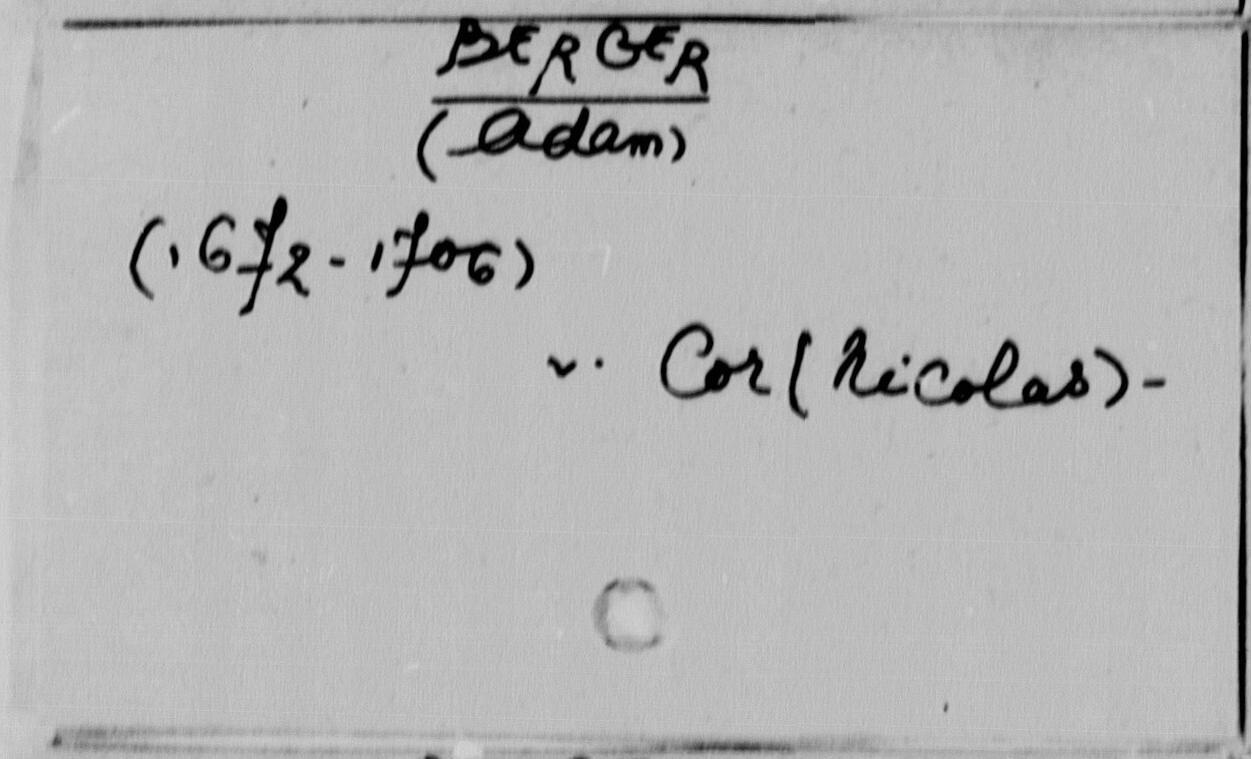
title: BERGER (Adam)
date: (1672-1706)
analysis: Voir : Cor (Nicolas)
